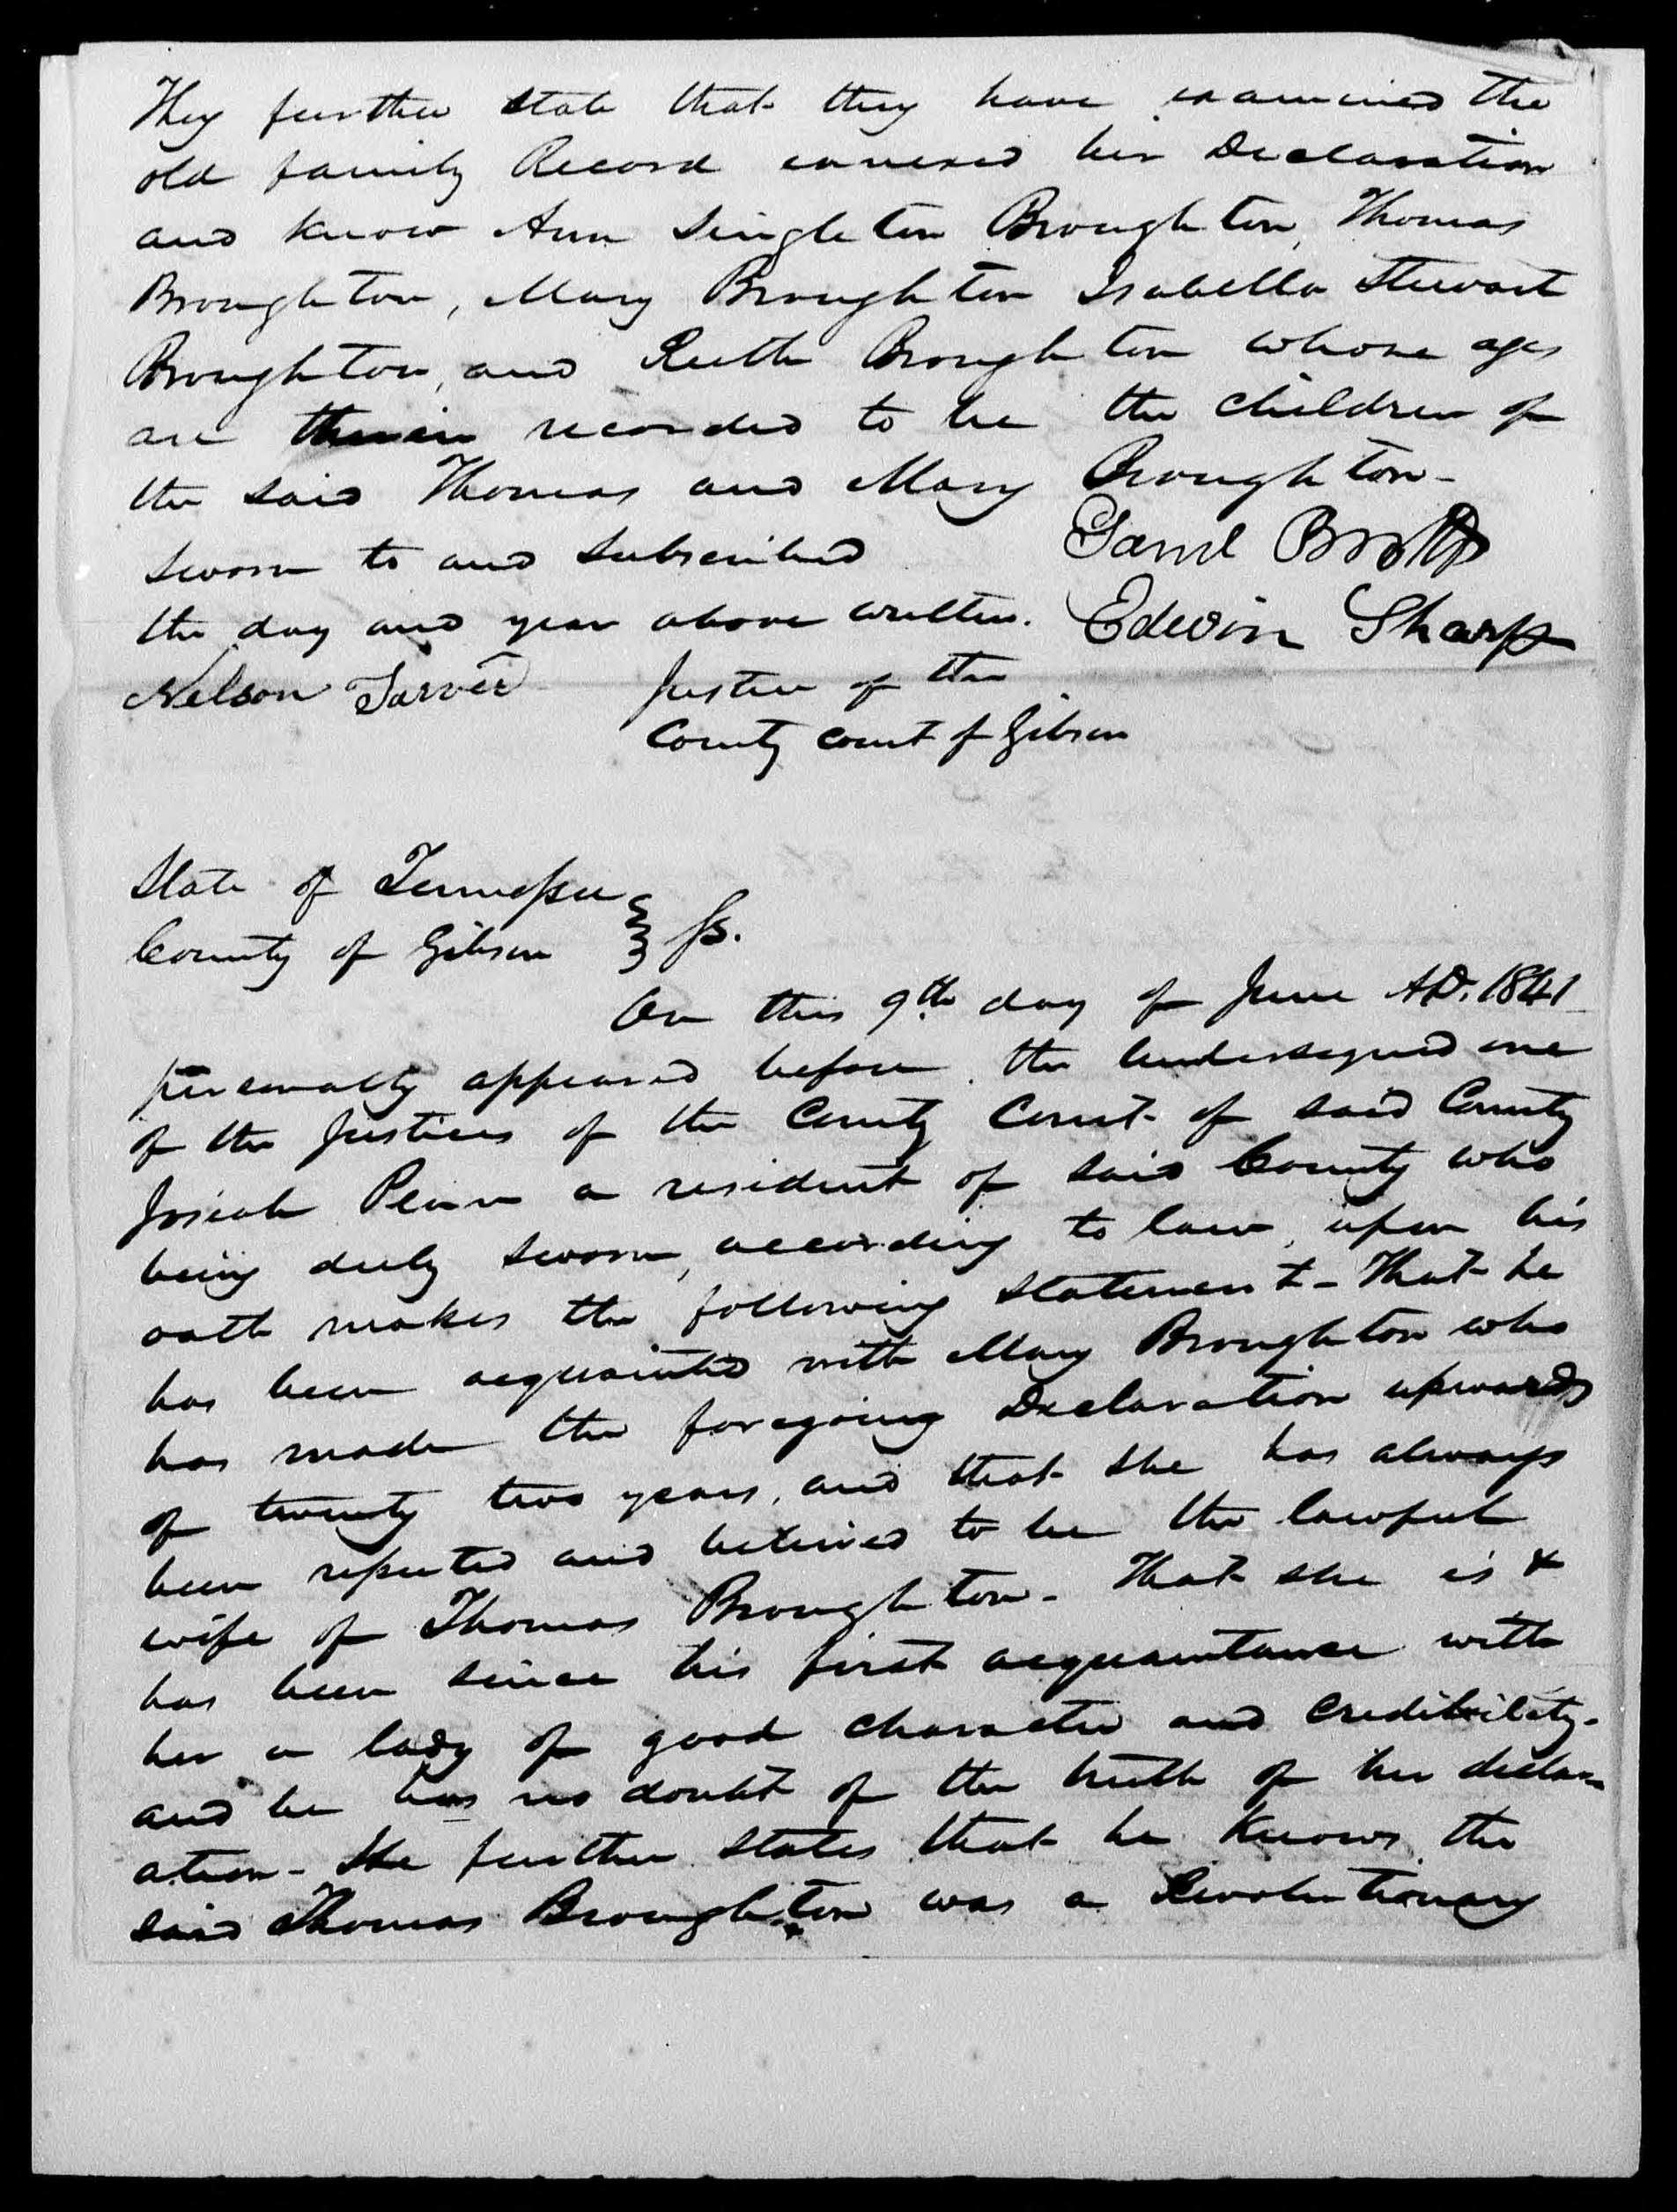They further state that they have examined the old family record annexed his Declaration and know Ann Singleton Broughton, Thomas Broughton, Mary Broughton Isabella Stewart Broughton and Ruth Broughton whose ages are therein recorded to be the children of the said Thomas and Mary Broughton.
Saml Booth
Edwin Sharp

Sworn to and subscribed the day and year above written
Nelson Tarver Justice of the County Court of Gibson

State of Tennessee County of Gibson SS
On this 9th day of June AD. 1841 personally appeared before the undersigned one of the Justices of the County Court of said County Josiah Penn a resident of said County who being duly sworn according to law upon his oath makes the following statement. That he has been acquainted with Mary Broughton who has made the foregoing declaration upwards of twenty two years and that she has always been reputed and believed to be the lawful wife of Thomas Broughton. That she is & has been since his first acquaintance with her a lady of good character and credibility. And he has no doubt of the truth of her declaration. She further states that he knows the said Thomas Broughton was a Revolutionary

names: Edwin Sharp, Thomas Broughton, Mary Broughton, Ann Singleton Broughton, Thomas Broughton, Josiah Penn, Mary Broughton, Thomas Broughton, Saml Booth, Ruth Broughton, Thomas Broughton, Mary Broughton, Isabella Stewart Broughton, Nelson Tarver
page: 18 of 72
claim: widow's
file: W. 897, Thomas Broughton, S.C.